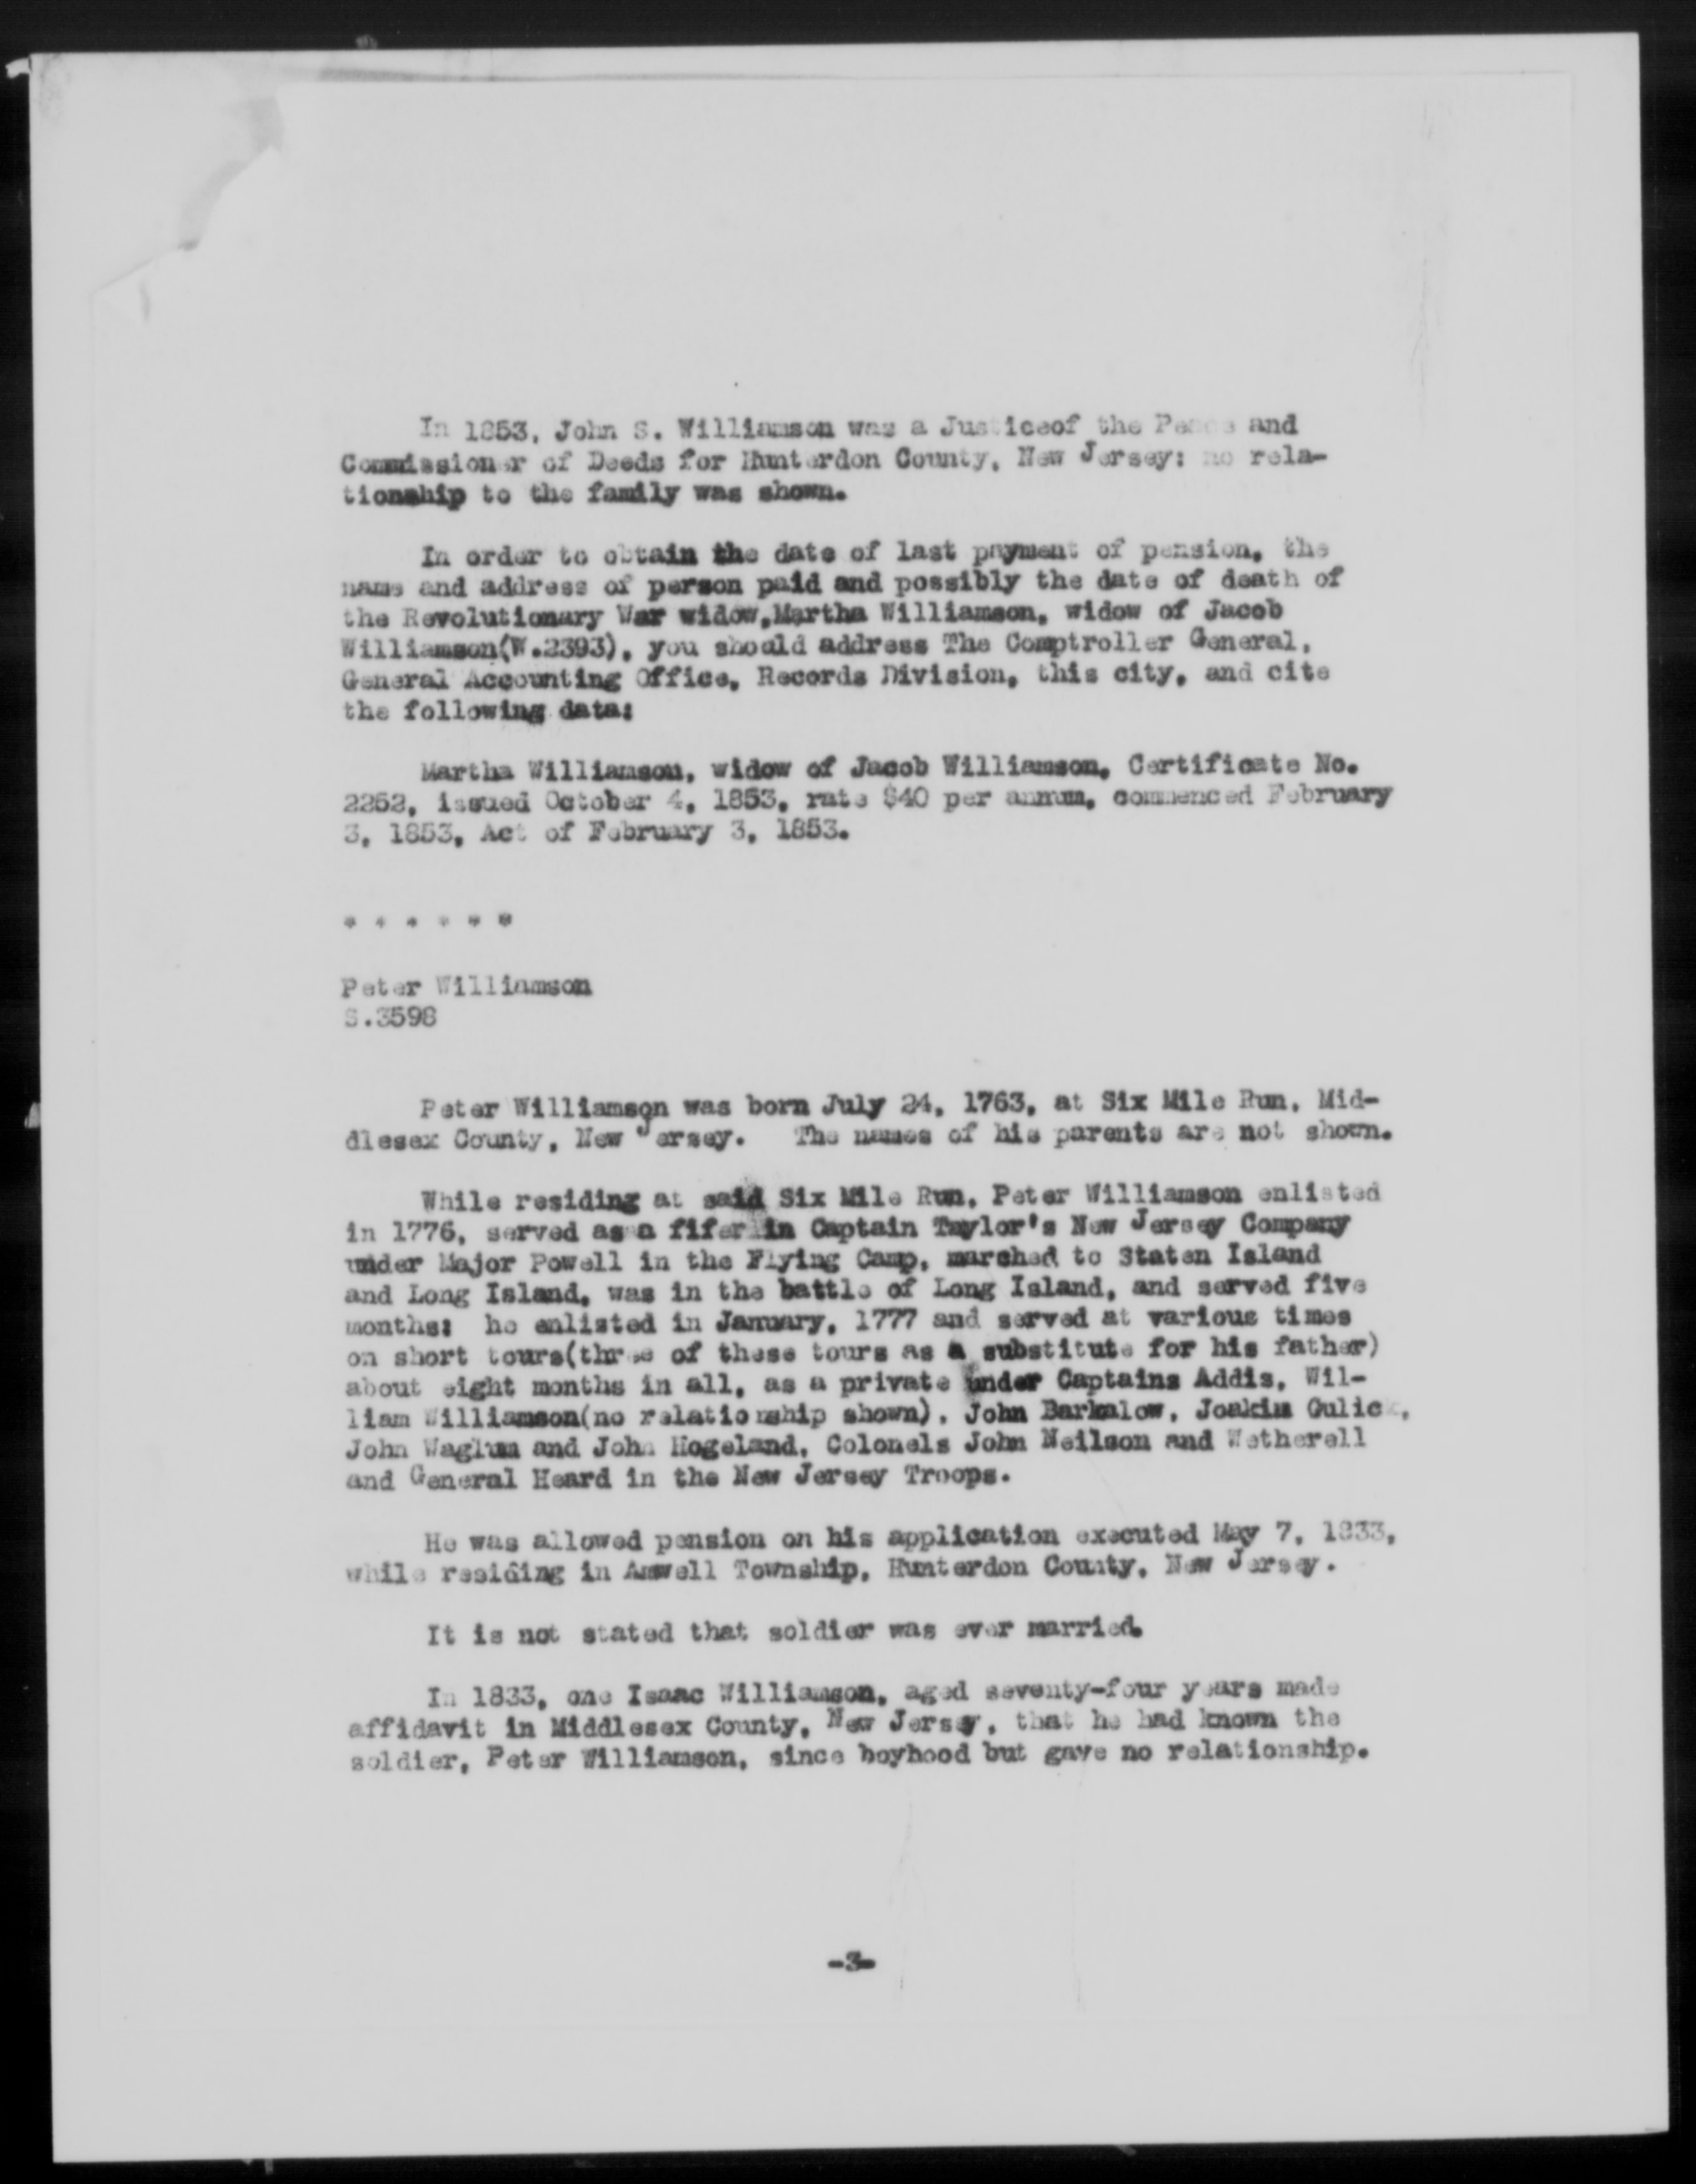...In 1853, John S. Williamson was a Justice of the Peace and
Commissioner of Deeds for Hunterdon County, New Jersey: no relationship to the family was shown.

In order to obtain the date of last payment of pension, the name and address of person paid and possibly the date of death of the Revolutionary War widow, Martha Williamson, widow of Jacob Williamson (W.2393), you should address The Comptroller General, General Accounting Office, Records Division, this city, and cite the following data:

Martha Williamson, widow of Jacob Williamson, Certificate No. 2252, issued October 4, 1853, rate $40 per annum, commenced February 3, 1853, Act of February 3, 1853.

Peter Williamson
S.3598

Peter Williamson was born July 24, 1763, at Six Mile Run, Middlesex County, New Jersey. The names of his parents are not shown.

While residing at said Six Mile Run, Peter Williamson enlisted in 1776, served as a fifer in Captain Taylor's New Jersey Company under Major Powell in the Flying Camp, marched to Staten Island and Long Island, was in the battle of Long Island, and served five months: he enlisted in January, 1777 and served at various times on short tours (three of these tours as a substitute for his father) about eight months in all, as a private under Captains Addis, William Williamson (no relationship shown), John Barkalow, Joakin Gulick, John Waglum and John Hogeland, Colonels John Neilson and Wetherell and General Heard in the New Jersey Troops.

He was allowed pension on his application executed May 7, 1833, while residing in Amwell Township, Hunterdon County, New Jersey.

It is not stated that soldier was ever married.

In 1833, one Isaac Williamson, aged seventy-four years made affidavit in Middlesex County, New Jersey, that he had known the soldier, Peter Williamson, since boyhood but gave no relationship...

- 3 -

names: John Neilson, John Barkalow, Peter Williamson, John Hogelund, Addis, Heard, Martha Williamson, Powell, John S Williamson, Jacob Williamson, William Williamson, Joakim Gulick, Wetherell, John Waglum, Isaac Williamson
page: 25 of 67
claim: widow's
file: W. 2393, Jacob Williamson, New Jersey